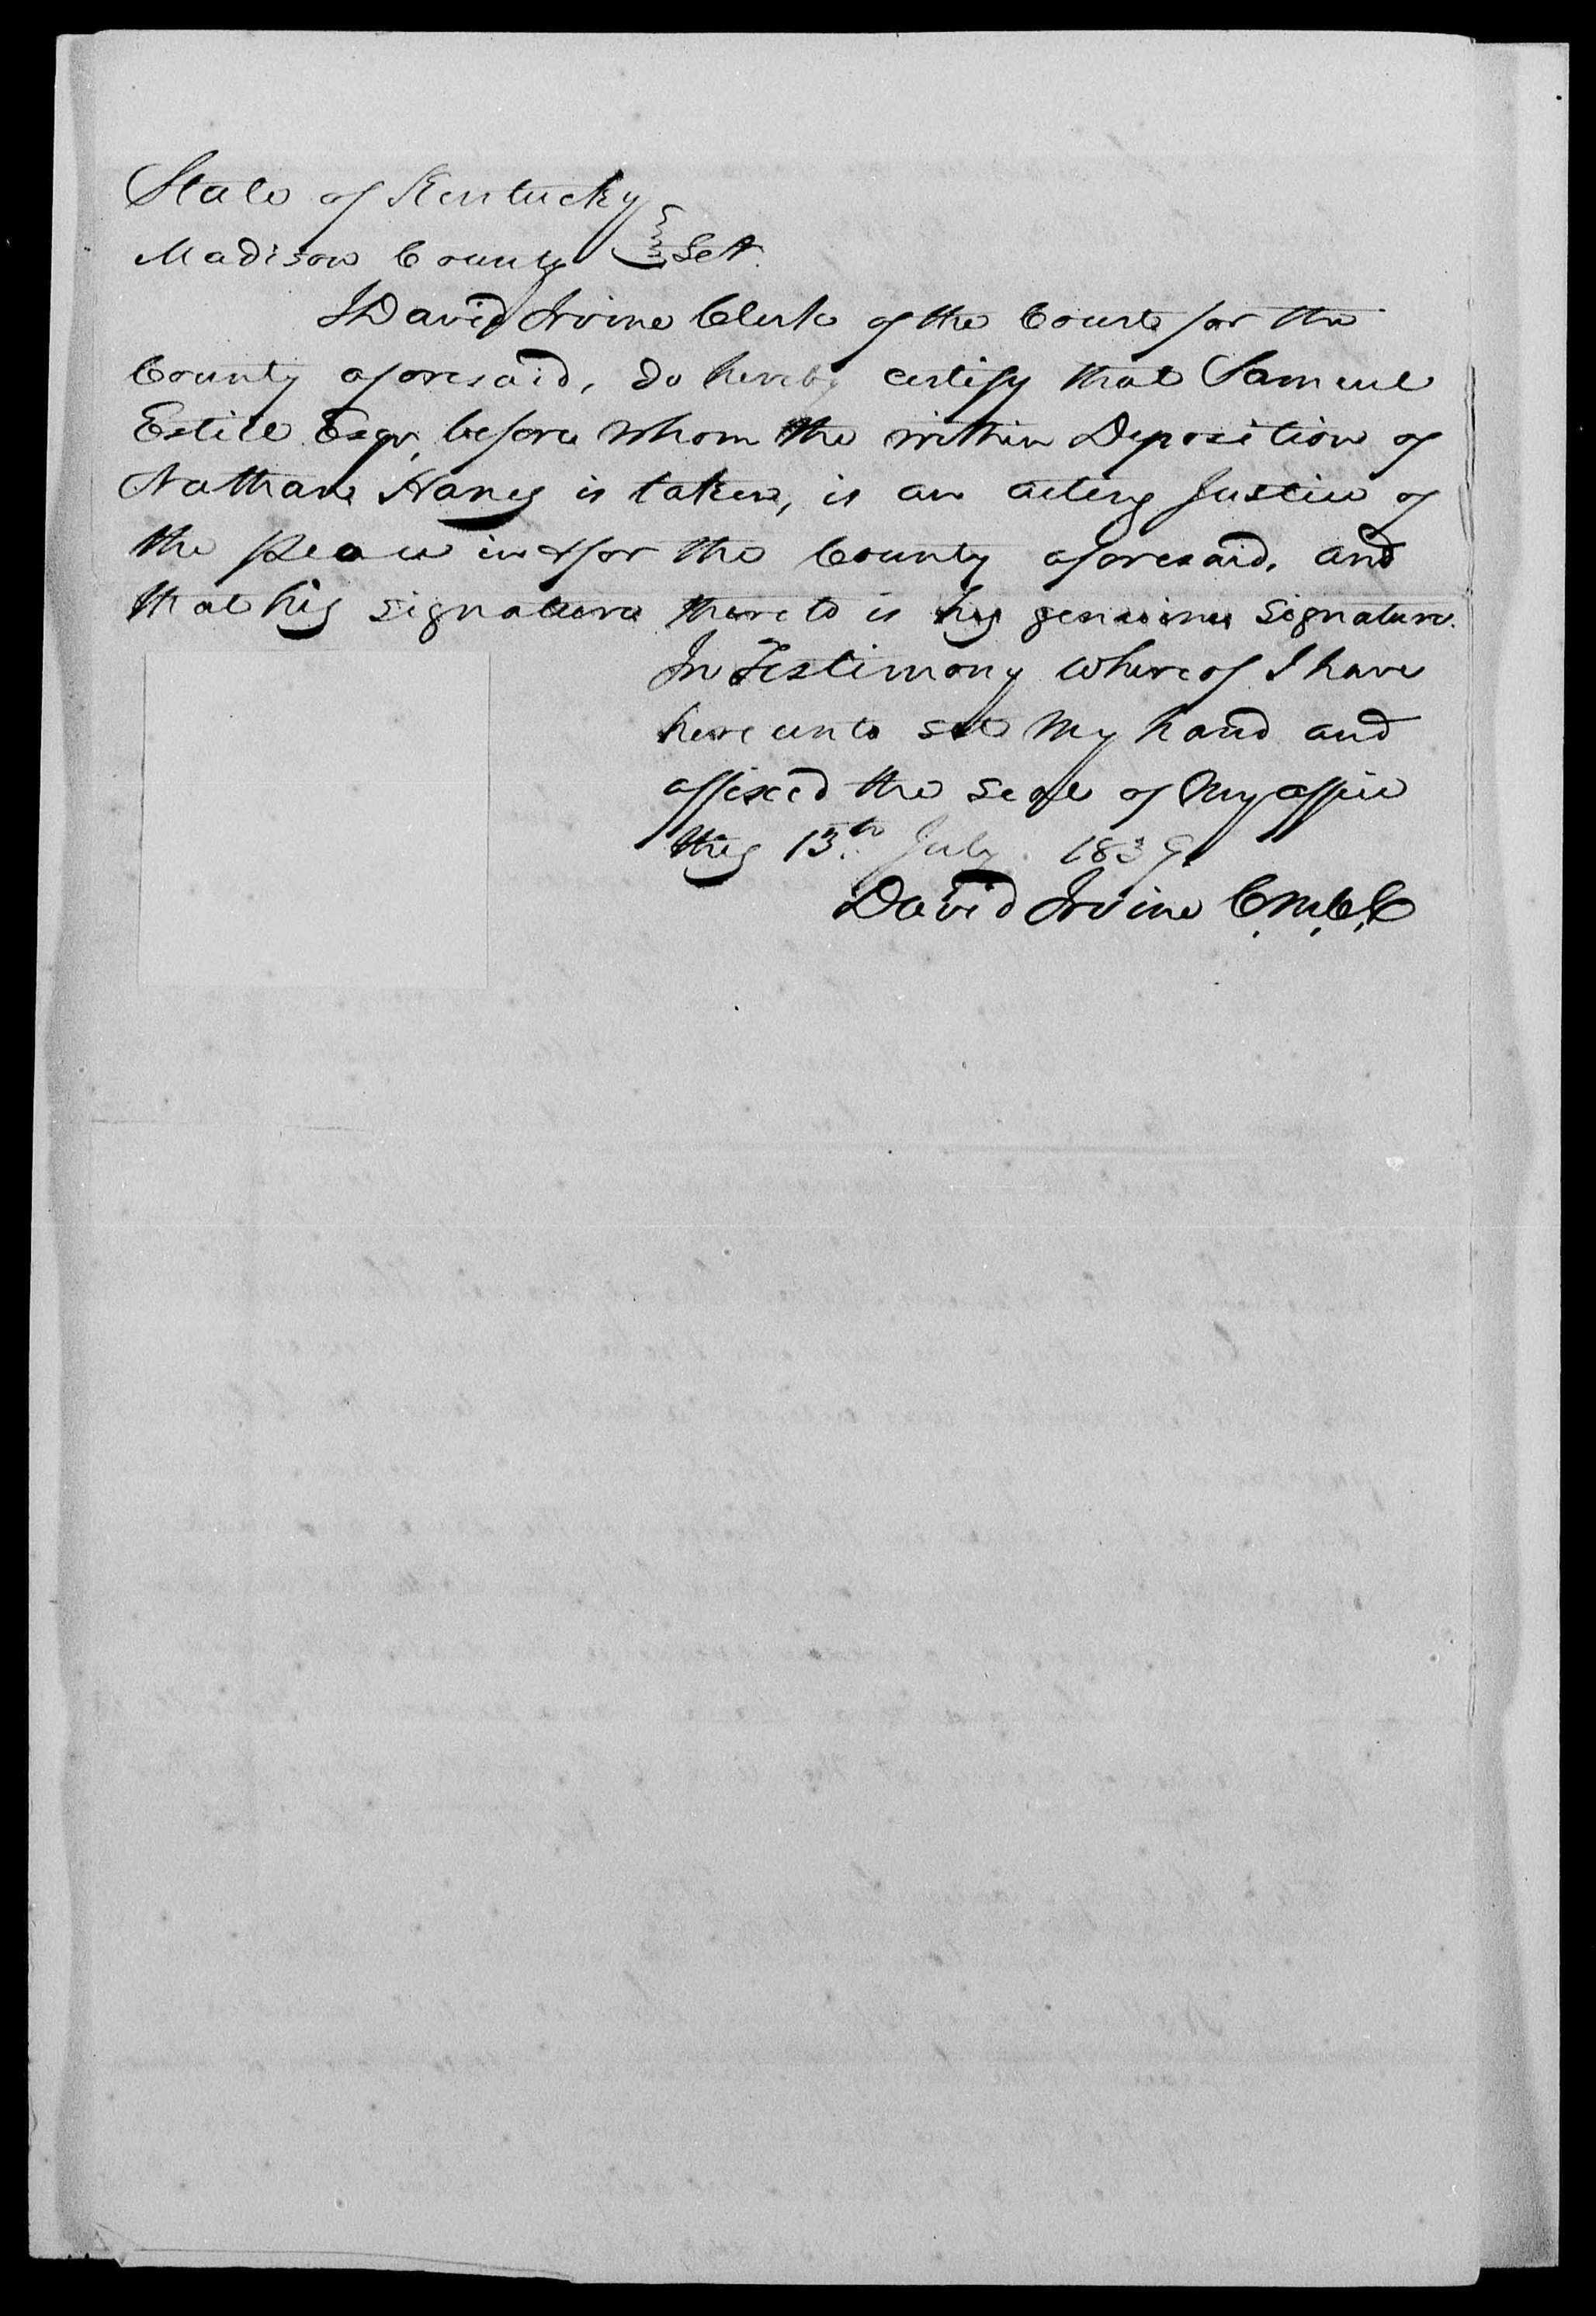State of Kentucky
Madison County {Set.
 I David Irvine clerk of the courts for the county aforesaid, do hereby certify that Samuel Estill Esq. before whom the within deposition of Nathan Hanes is taken, is an acting justice of the peace in and for the county aforesaid, and that his signature there to is his genuine signature. 
In testimony where of I have unto set my hand and affixed the seal of my office this 13th July, 1839
David Irvine CN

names: Nathan Hanes, David Irvine, David Irvine, Samuel Estill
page: 14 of 34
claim: widow's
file: W. 8897, Evan Haines, Ga